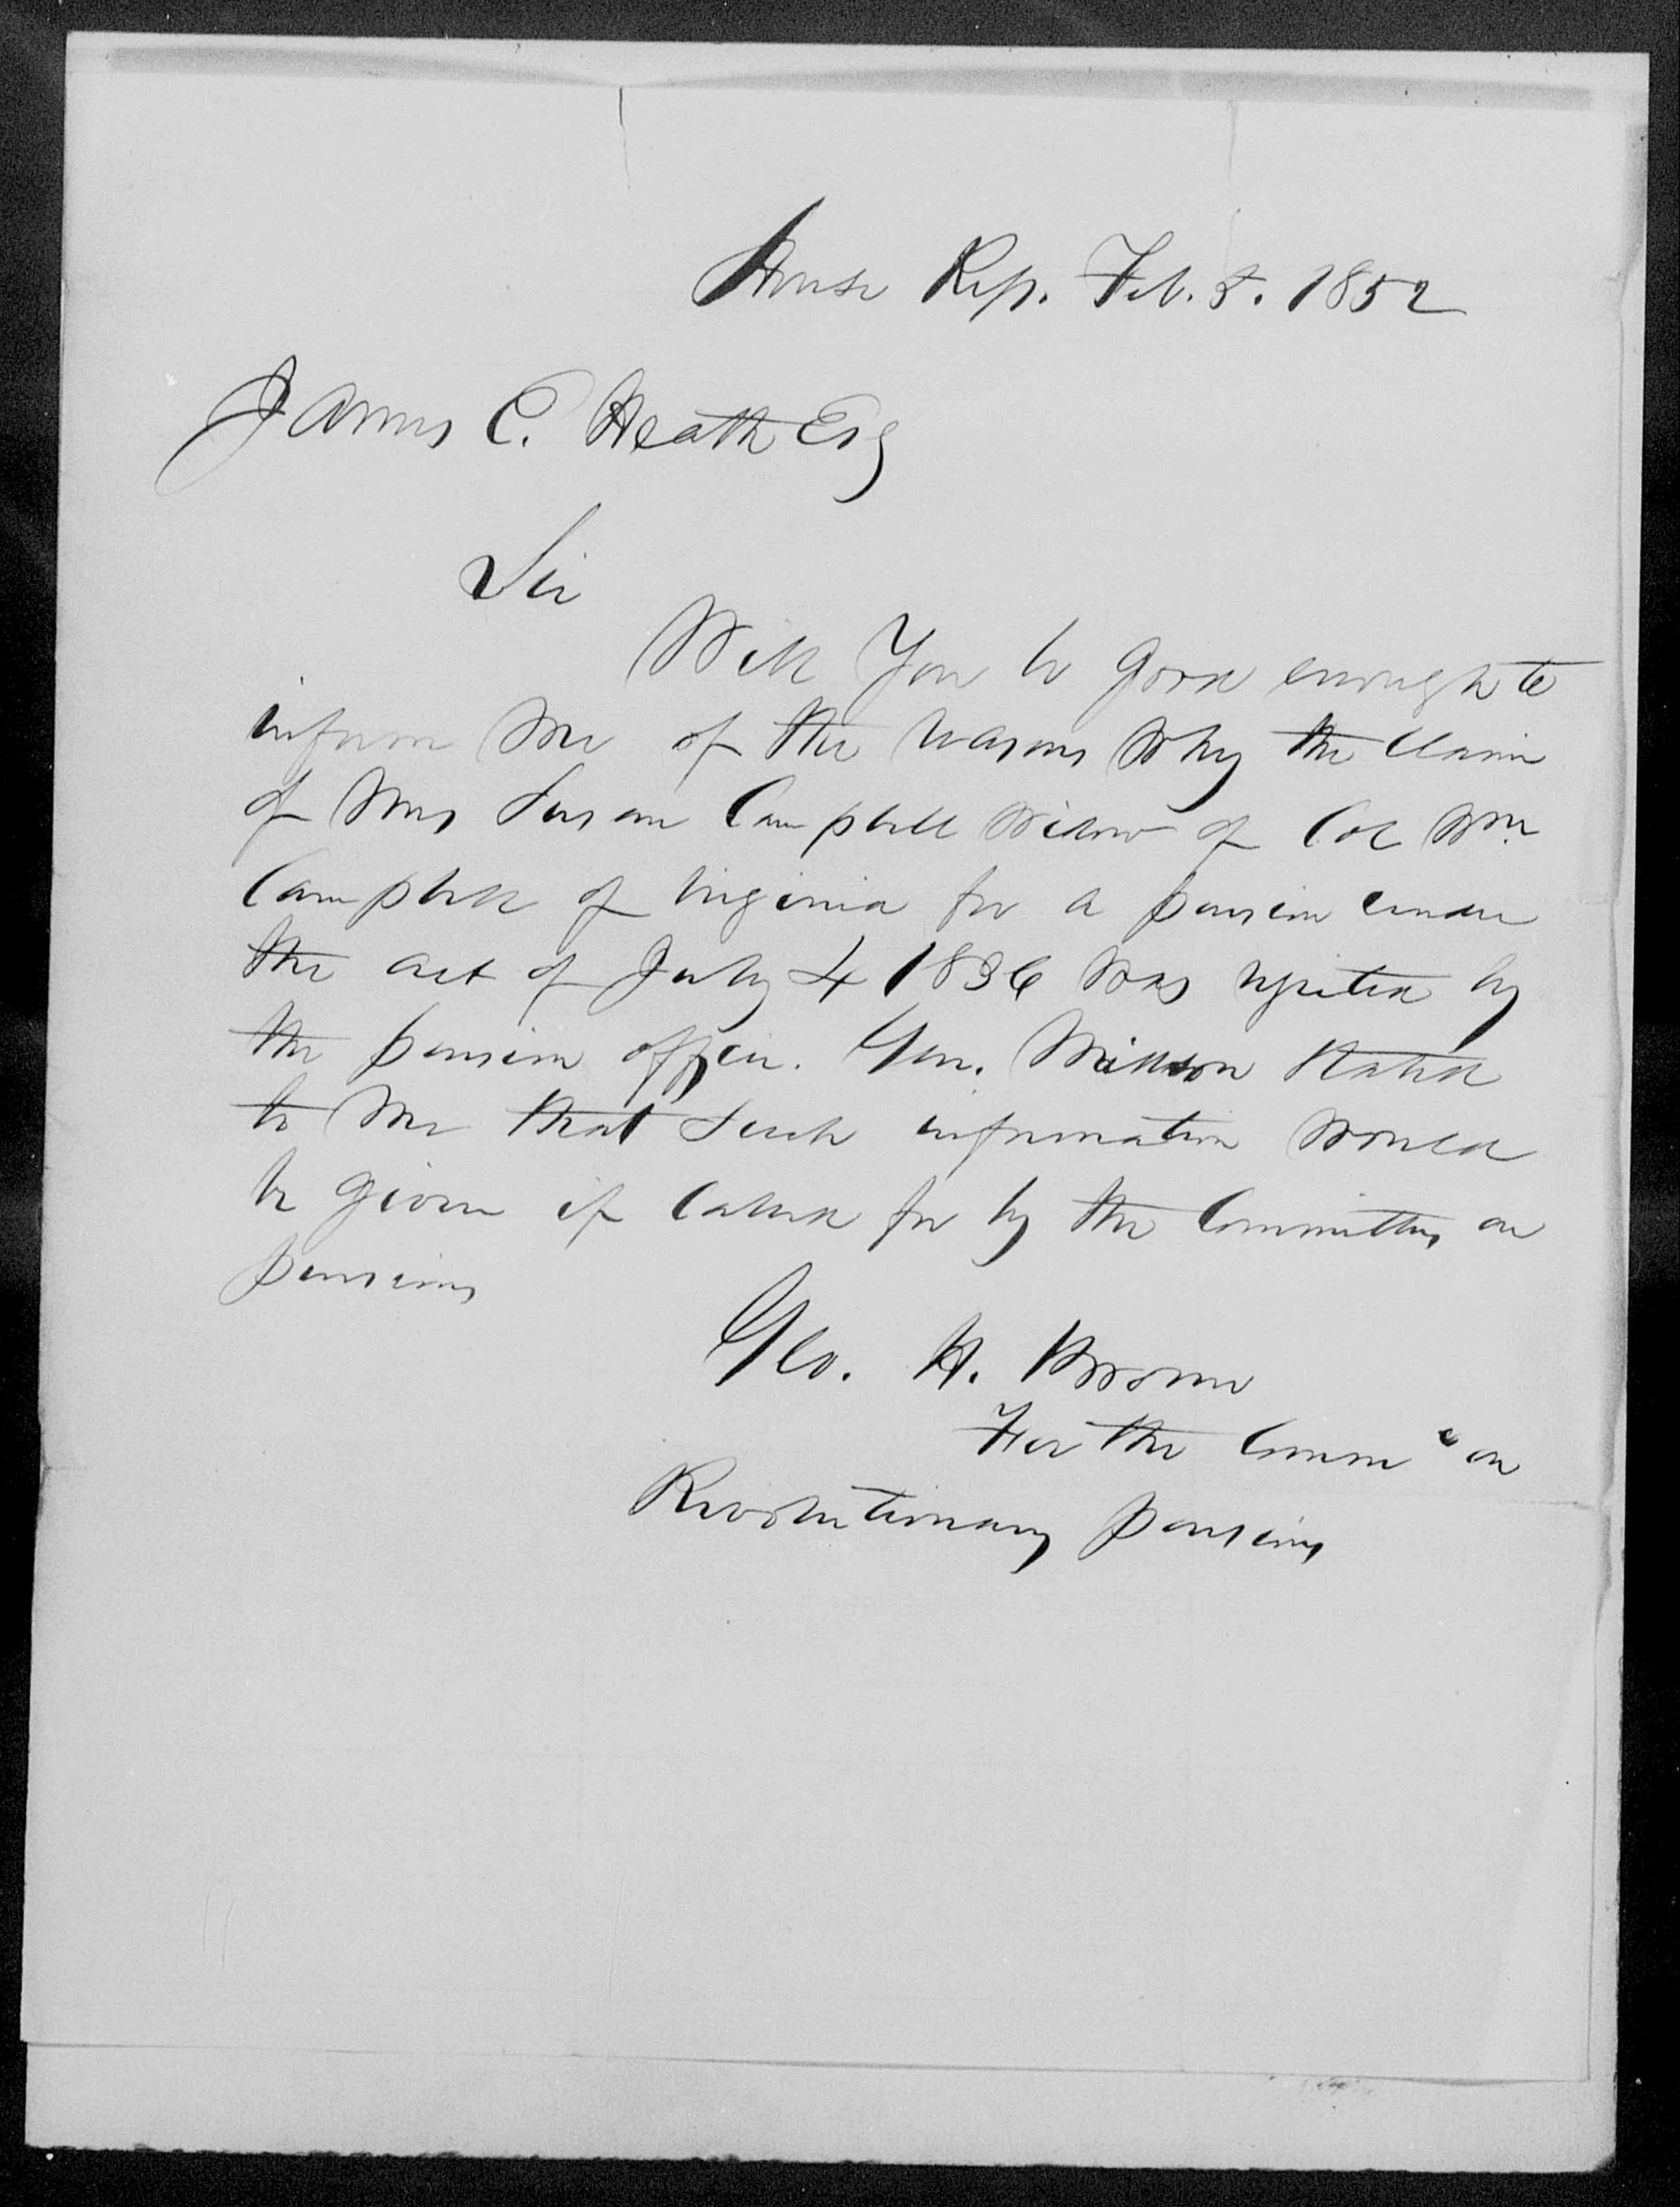House Reps. Feb. 2. 1852
James E. Heath Eq

Sir
Will You be good enough to inform me of the [illegible] by the Claim of Mrs Susan Campbell Widow of Col Wm. Campbell of Virginia for a pension under the act of July 4 1836 was registered by the pension office. Gen. Willson stated to Me that such information would be given if called for by the Committee on pensions
Geo. H. Brown
For the Comm on
Revolutionary Pensions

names: Minson Rahn, Susan Campbell, Geo H Brown, Wm Campbell, James E Heath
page: 133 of 267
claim: widow's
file: W. 4,149, William Campbell, Va.